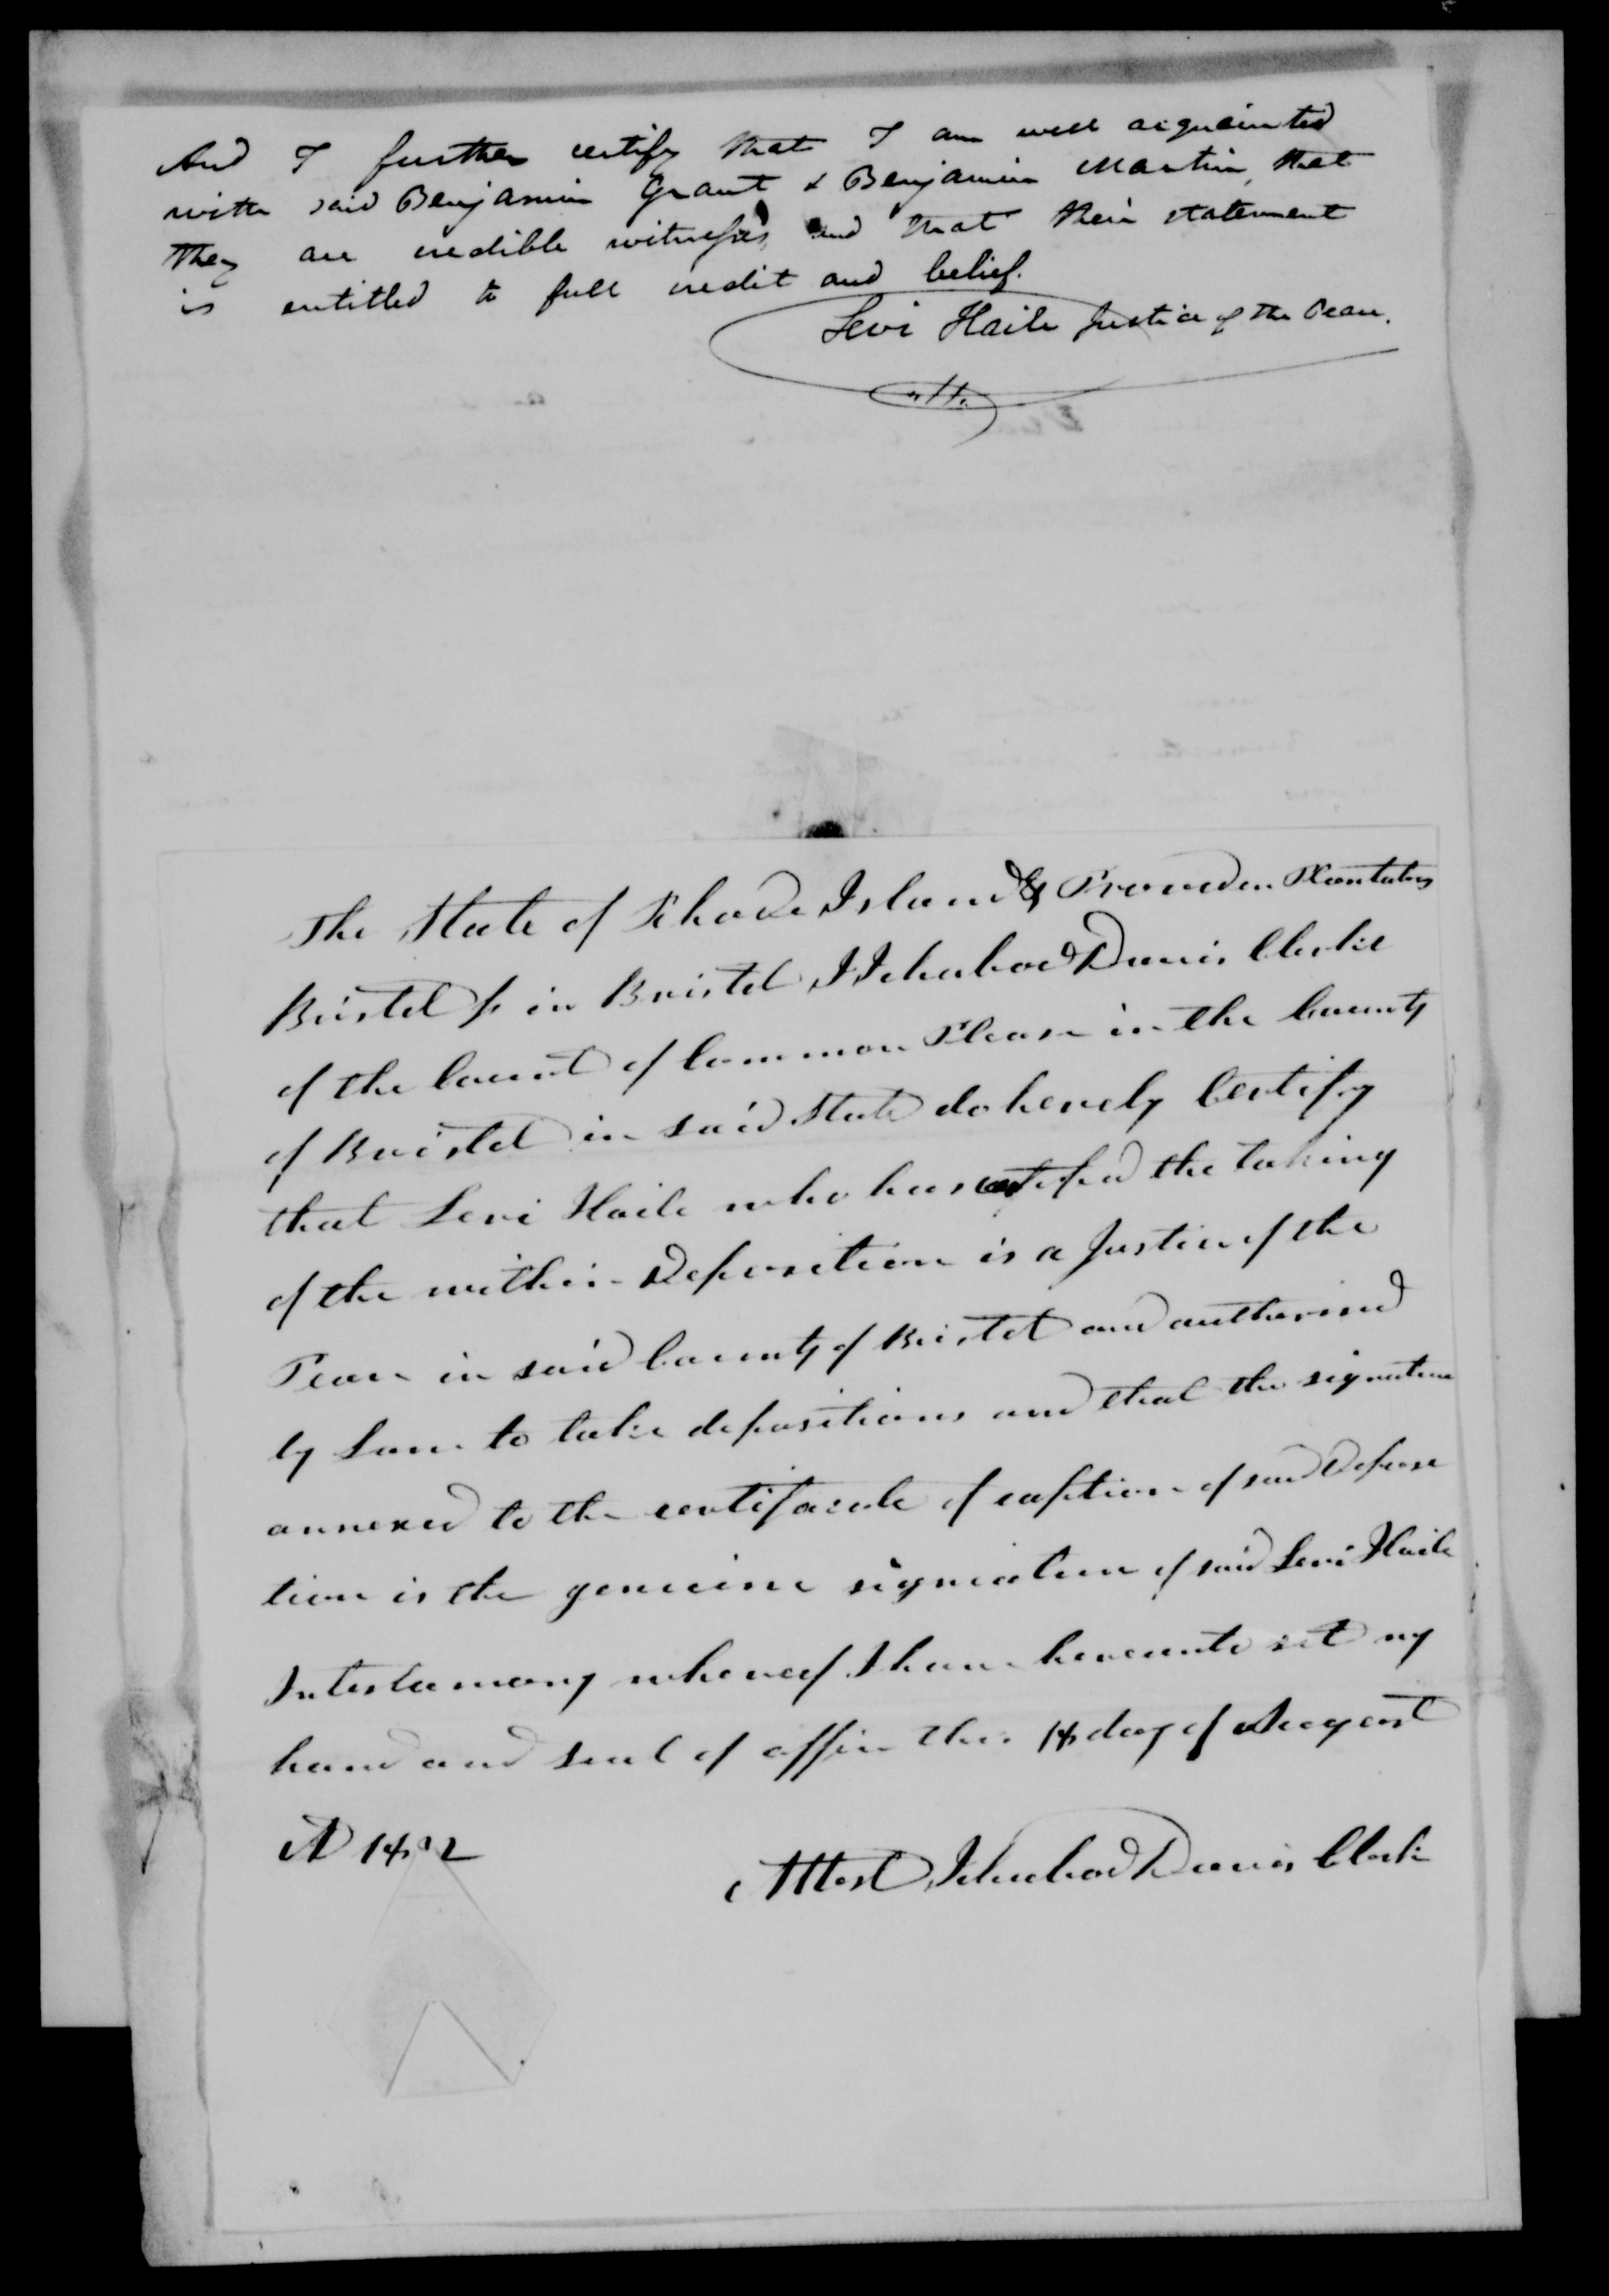And I further certify that I am well acquainted with said Benjamin Grant & Benjamin Martin the they are credible witness and that their statement is entitled to full credit and belief.
Levi Haile Justice of the Peace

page: 15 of 74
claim: survivor's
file: S. 11556, for Simeon Titus, Rhode Island